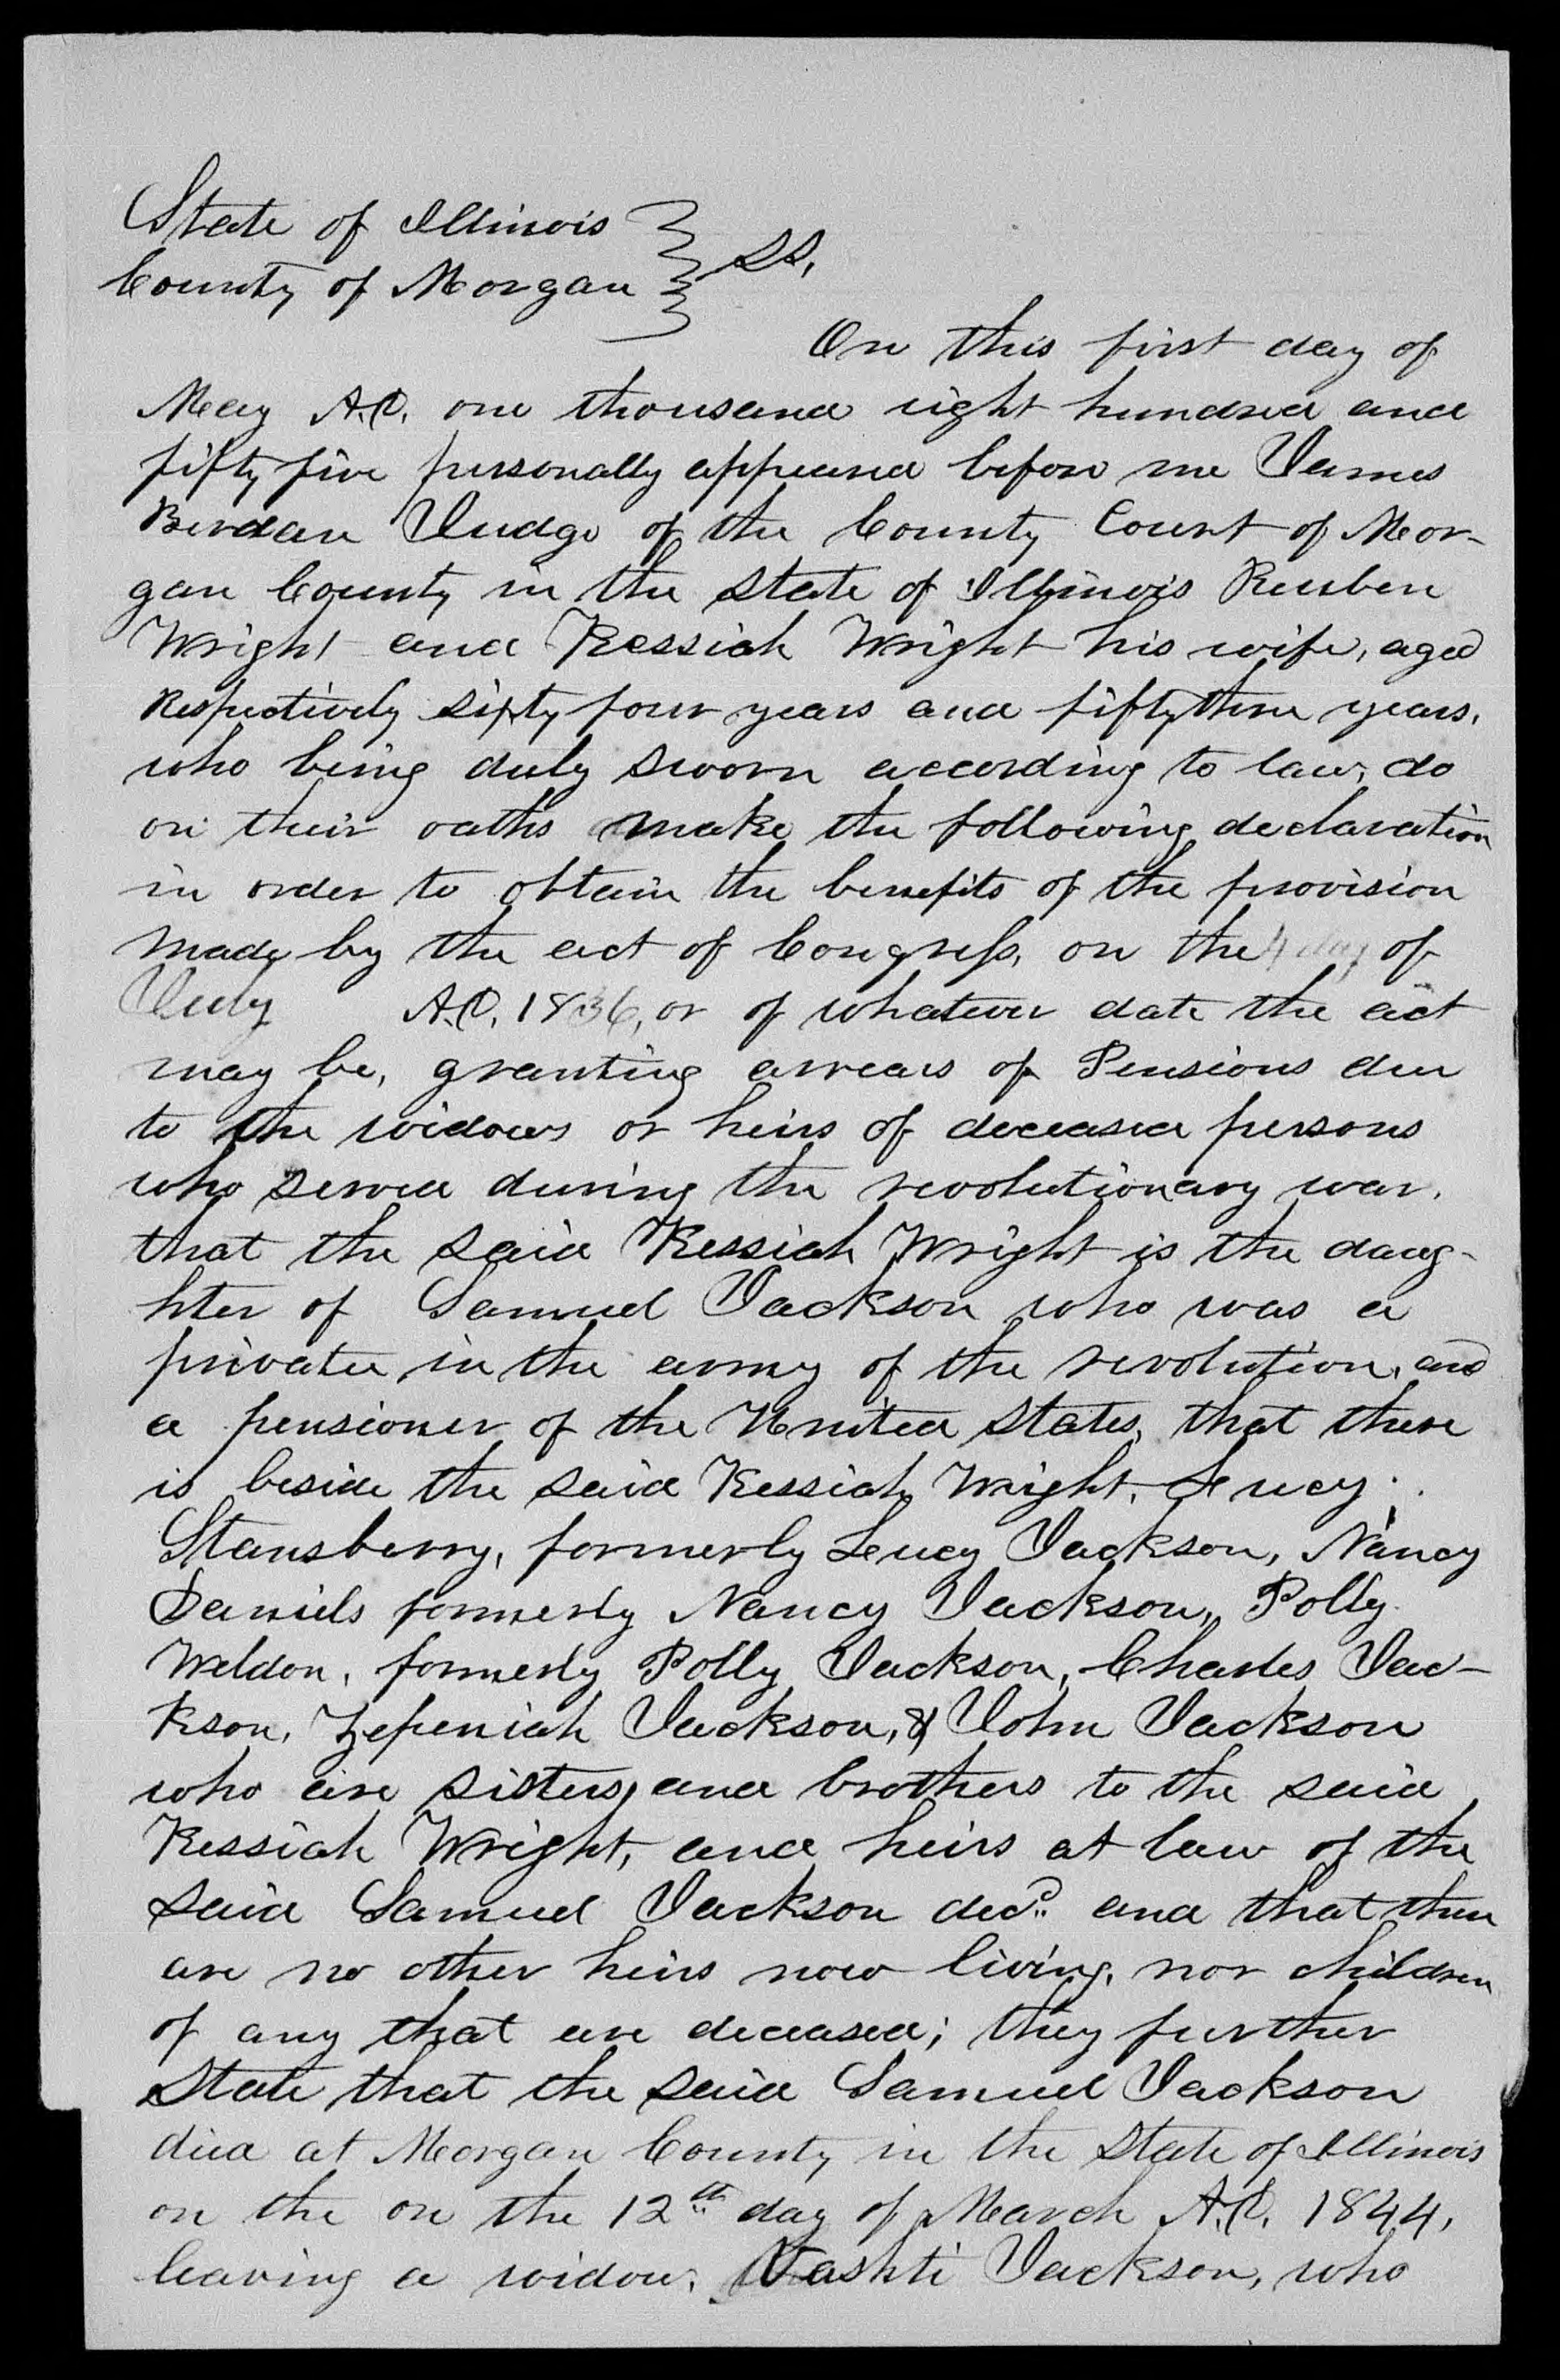State of Illinois
County of Morgan ⎬
On this first day of
May A.D. one thousand eight hundred and
fifty five personally appeared before me James
Berdan Judge of the County Court of Morgan
County in the State of Illinois Reuben
Wright and Kessiah Wright his wife, aged
Respectively sixty four years and fifty three years,
who being duly sworn according to law, do
on their oaths make the following declaration
in order to obtain the benefits of the provision
made by the act of Congress, on the day of
July A.D. 1836, or of whatever date the act
may be, granting arrears of Pensions due
to the widows or heirs of deceased persons
who served during the revolutionary war,
that the said Kessiah Wright is the daughter
of Samuel Jackson who was a
private in the army of the revolution, and
a pensioner of the United States that there
is beside the said Kessiah Wright, Lucy
Stansberry, formerly Lucy Jackson, Nancy
Daniels formerly Nancy Jackson, Polly
Weldon, formerly Polly Jackson, Charles 
Jackson, Zepeniah Jackson, & John Jackson
who are sisters and brothers to the said
Kessiah Wright, and heirs at law of the
said Samuel Jackson decd and that there
are no other heirs now living, nor children
of any that are deceased; they further
State that the said Samuel Jackson
died at Morgan County in the State of Illinois
on the on the 12th day of March A.D. 1844,
leaving a widow Vashti Jackson, who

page: 4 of 56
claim: rejected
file: R 5529, for Samuel Jackson, Virginia